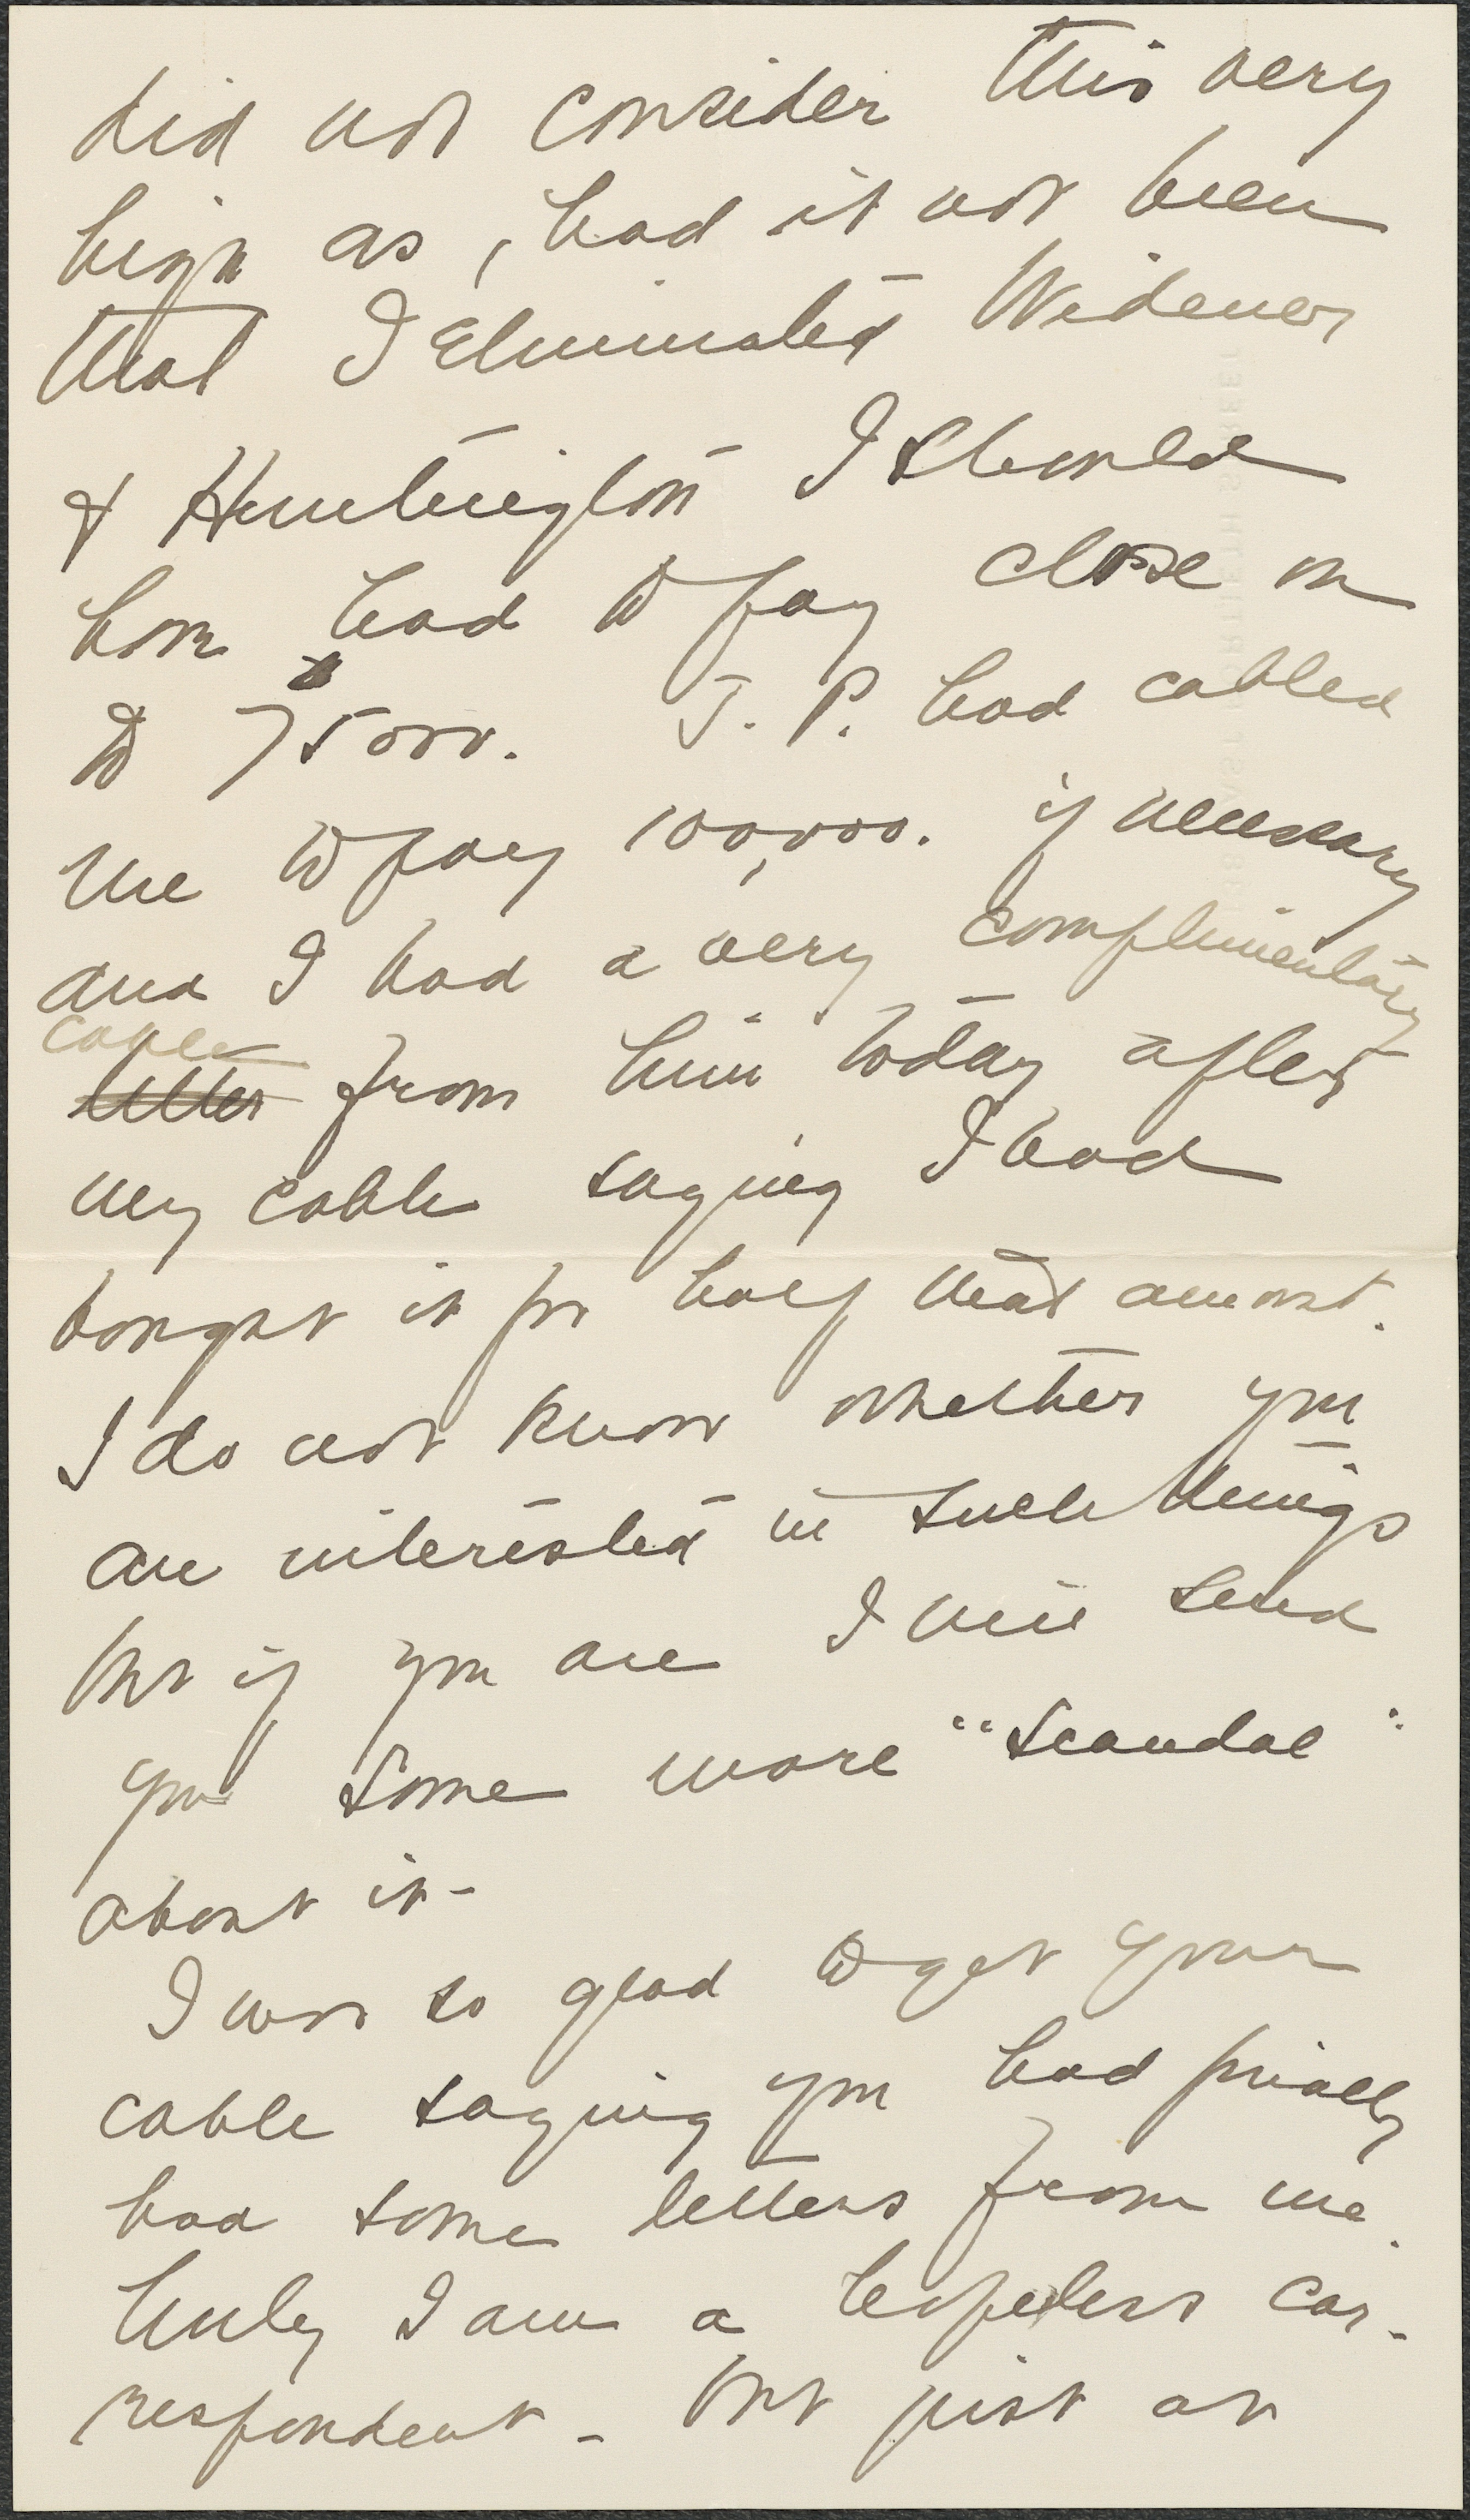did not consider this very high as, had it not been that I eliminated Widener & Huntington I should have had to pay close on to $75000. J. P. had cabled me to pay 100,000 if necessary and I had a very complimentary letter [^cable^] from him today after my cable saying I had bought it for half that amount. I do not know whether you are interested in such things but if you are I will send you some more “scandal” about it –
I was so glad to get your cable saying you had finally had some letters from me. Truly I am a hopeless correspondent – but just at